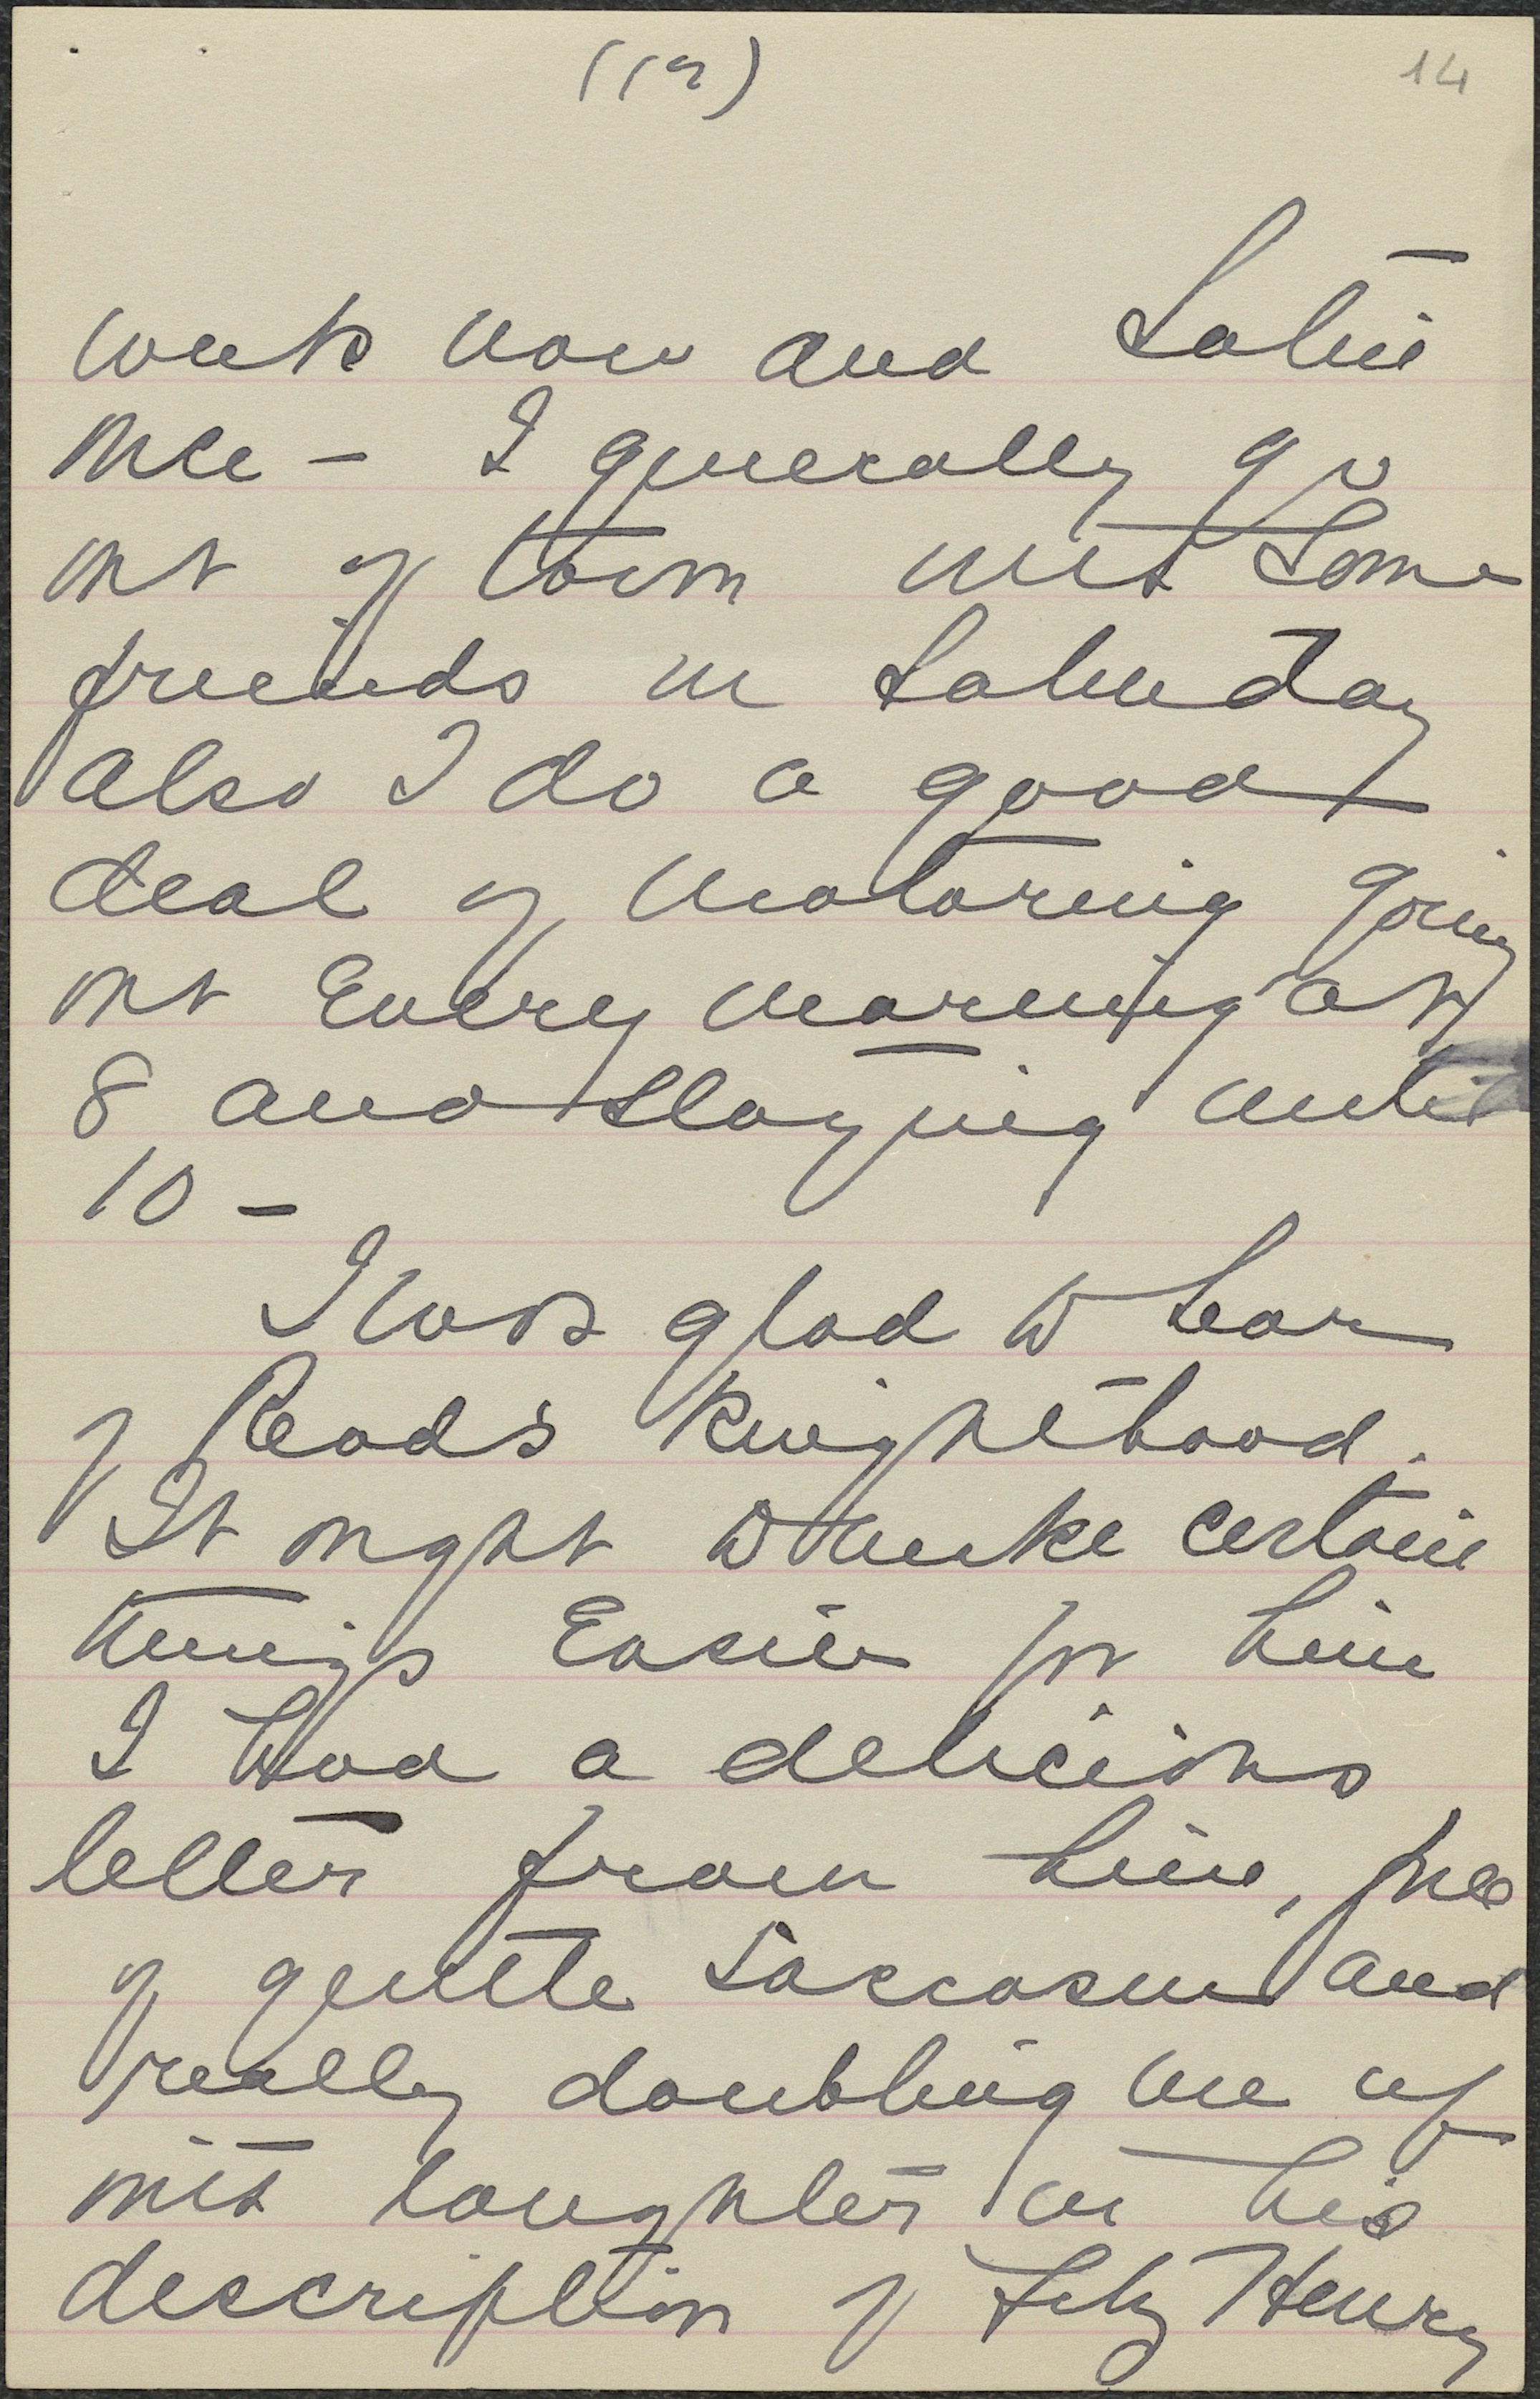(12)
week now and Latin once – I generally go out of town with some friends on Saturday also I do a good deal of motoring going out every morning at 8 and staying until 10 –
I was glad to hear of Read’s knighthood. It ought to make certain things easier for him
I had a delicious letter from him, full of gentle sarcasm and really doubling me up with laughter in his description of Fitz Henry